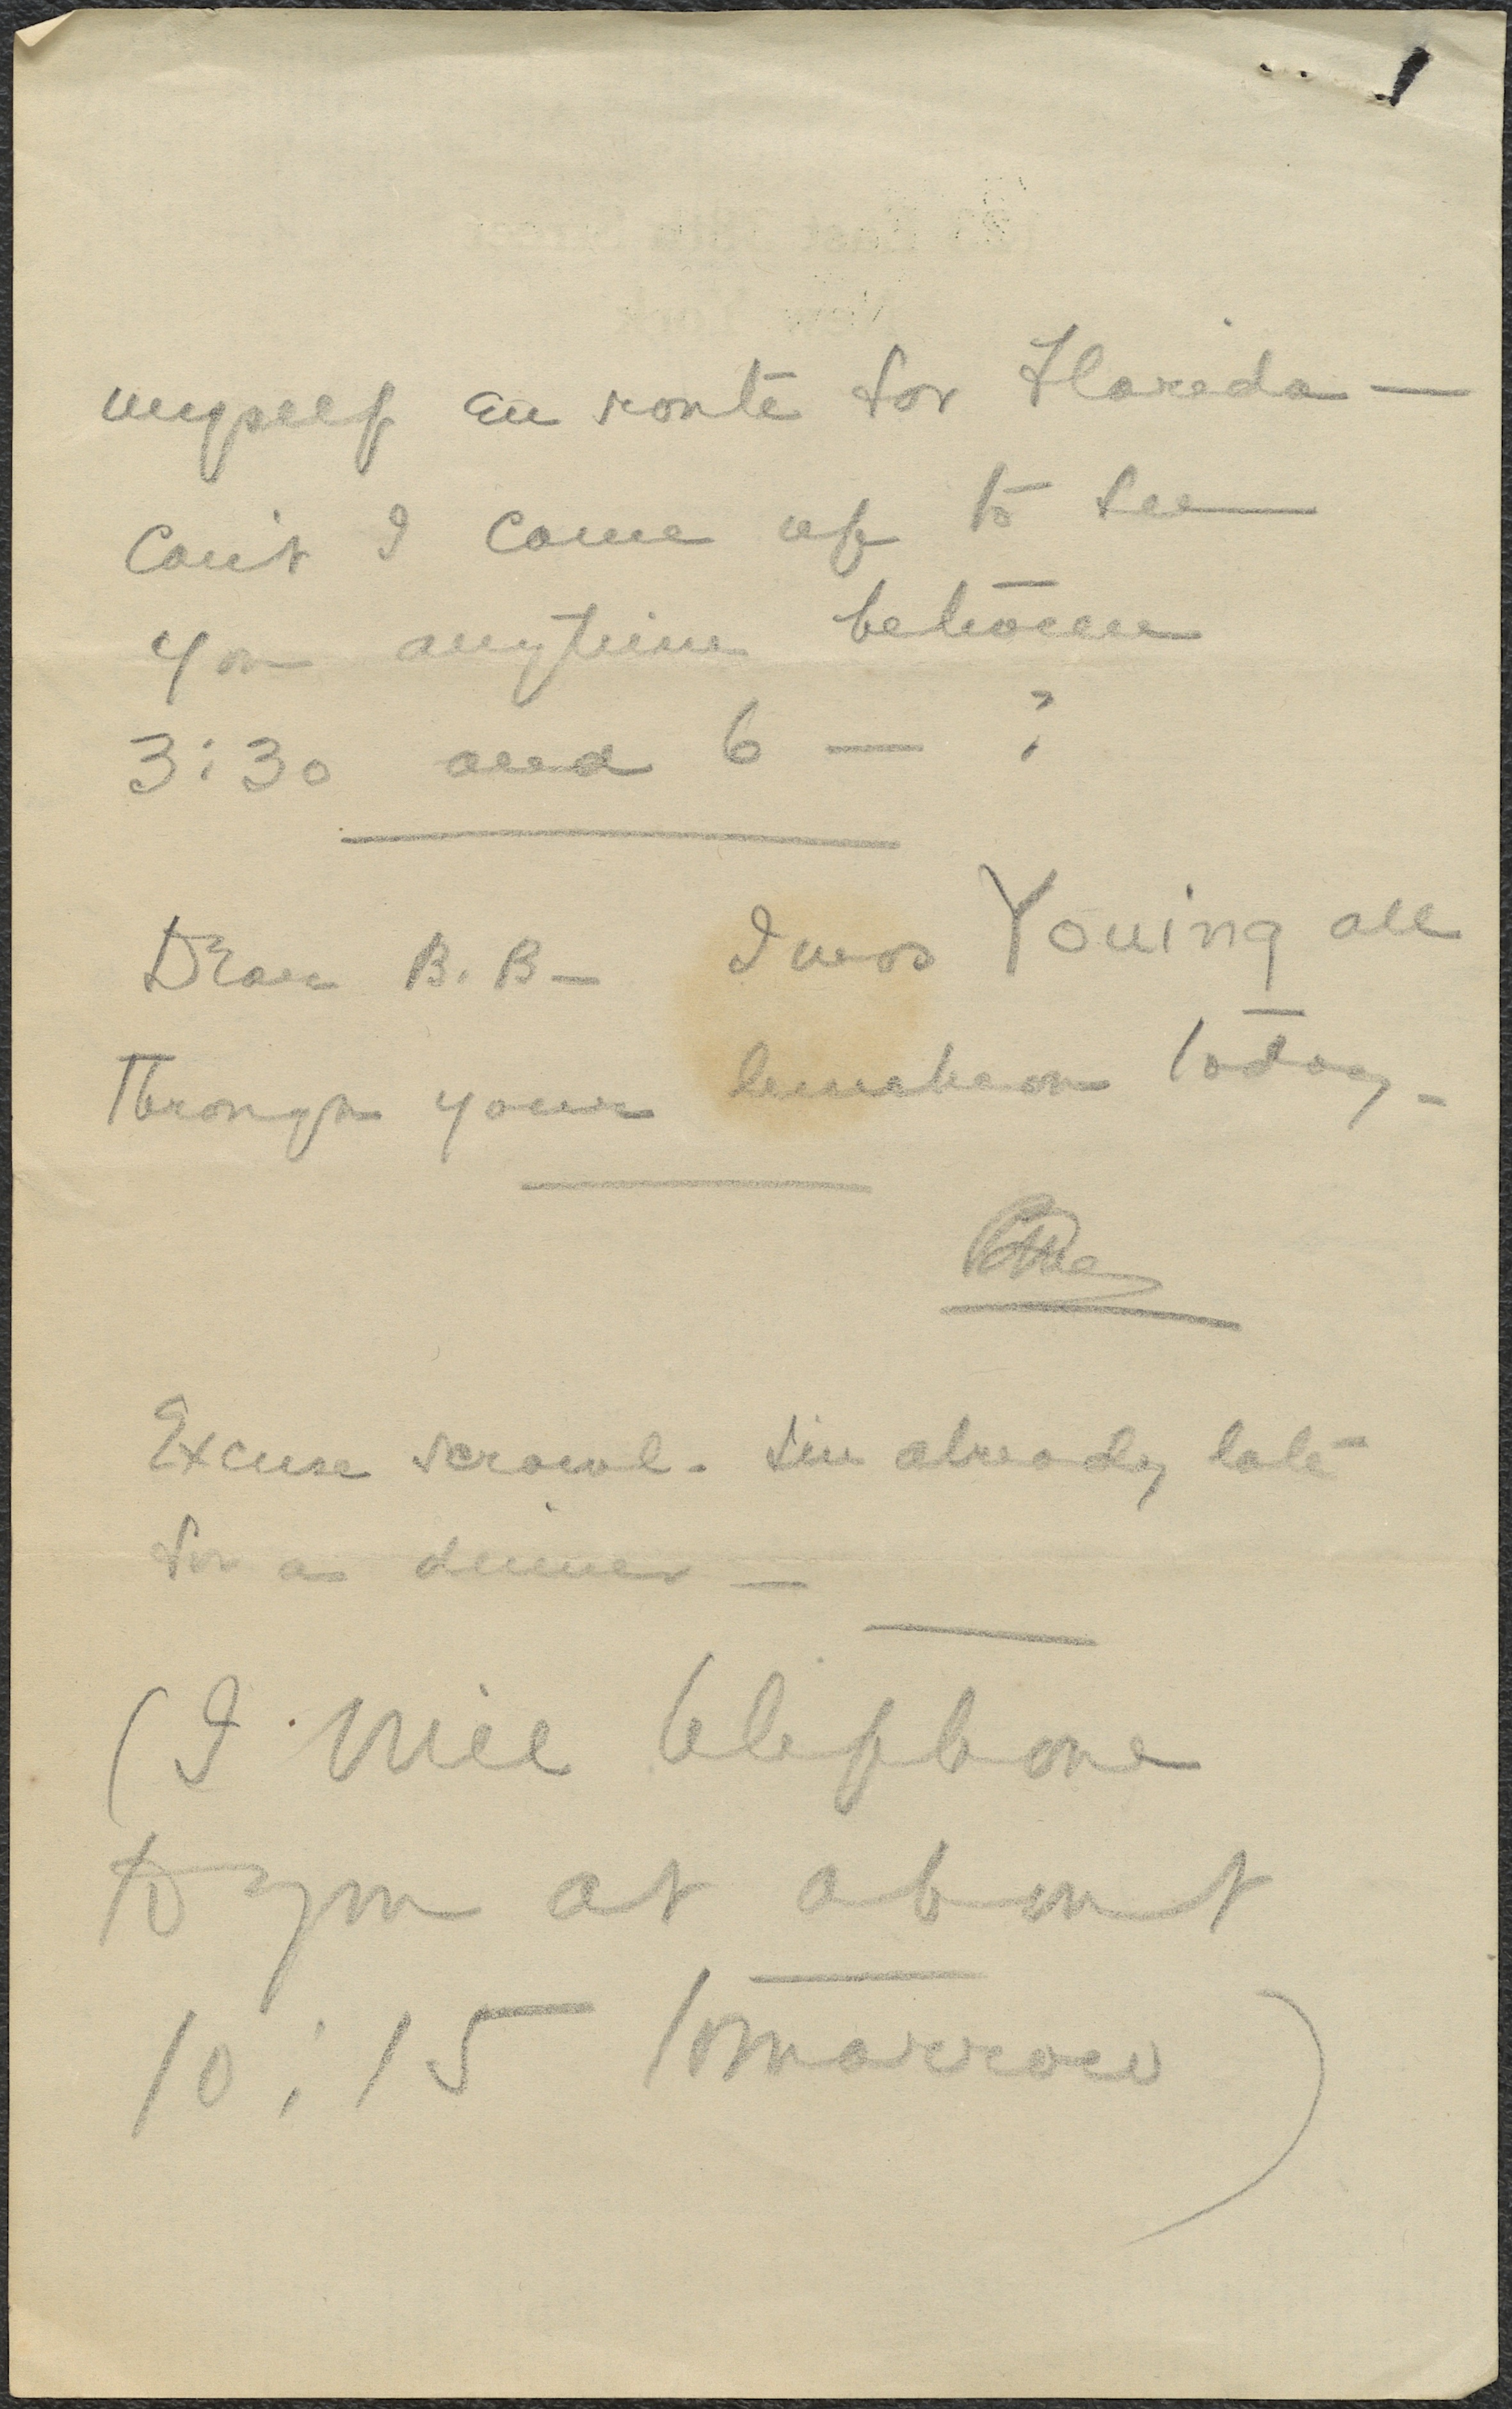myself en route for Florida – can't I come up to see you anytime between 3:30 and 6 – ?
Dear B.B – I was [in print hand:You]ing all through your luncheon today –
Belle
Excuse scrawl – I'm already late for a dinner –
(I will telephone to you at about 10:15 tomorrow)